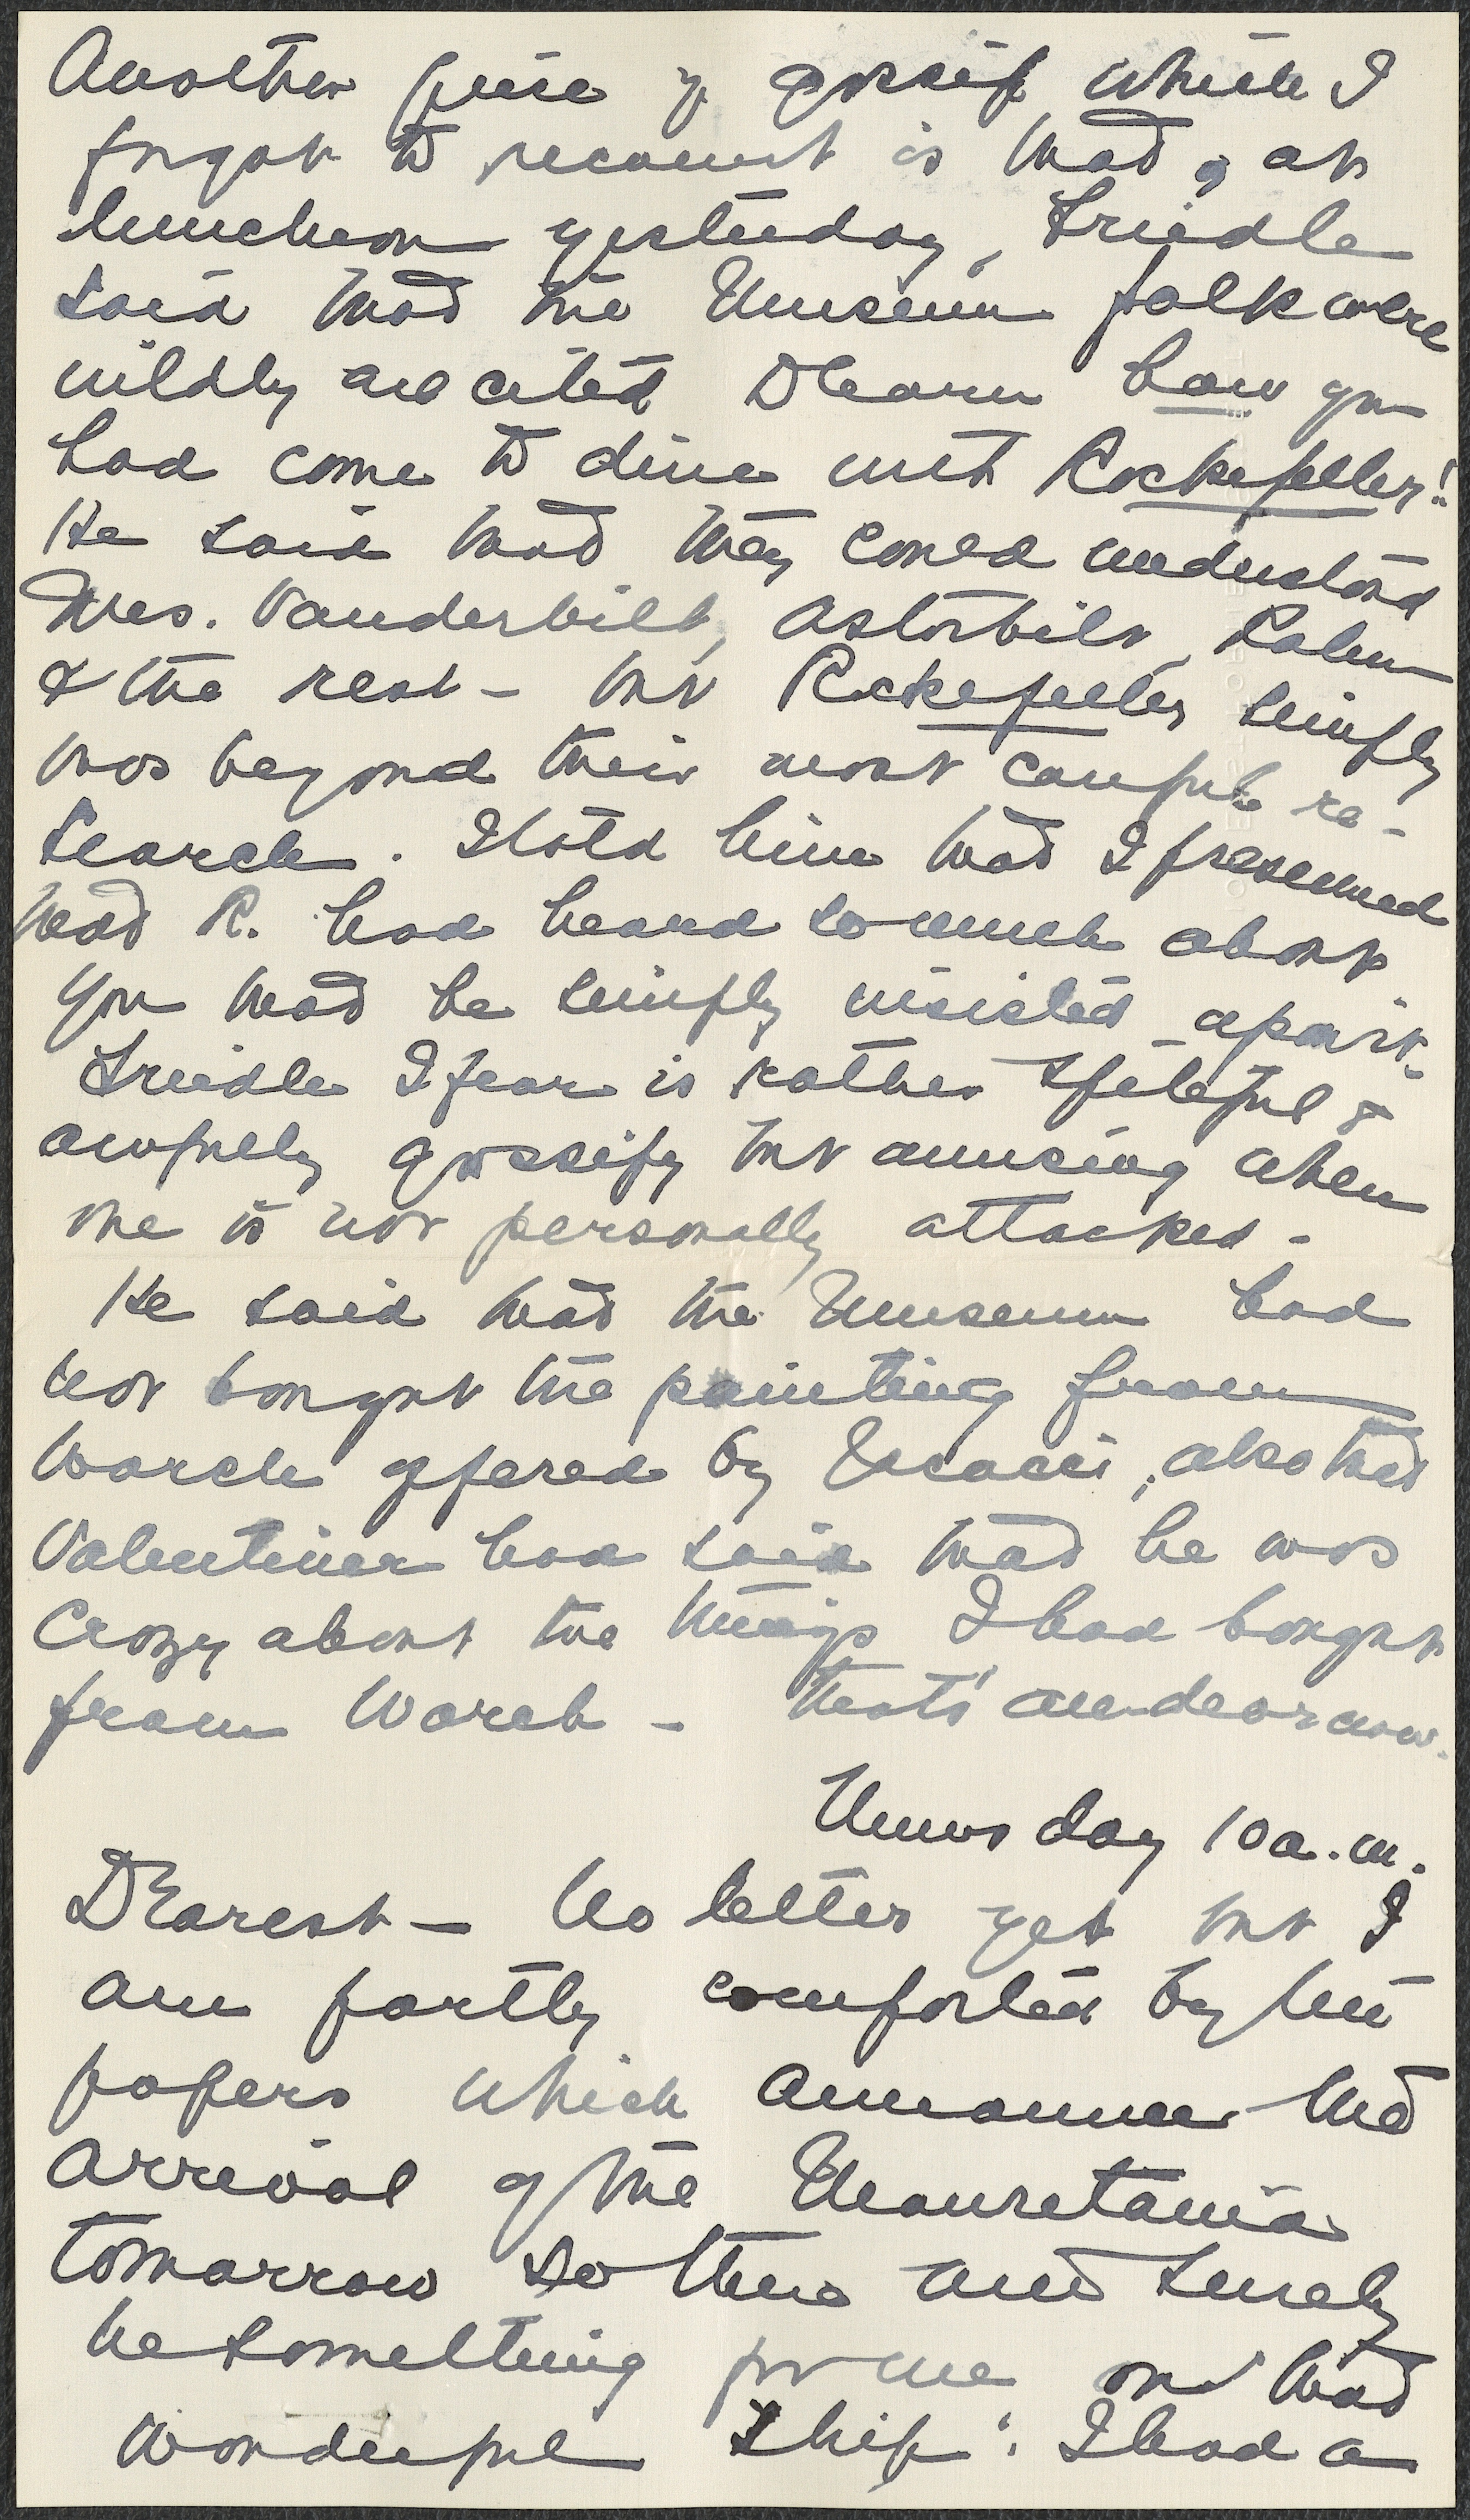Another piece of gossip which I forgot to recount is that at luncheon yesterday, Friedle said that the Museum folk were wildly excited to learn how you had come to dine with Rockefeller! He said that they could understand Mrs. Vanderbilt, Astorbilt, Kahn & the rest – but Rockefeller simply was beyond their most careful research. I told him that I presumed that R. had heard so much about you that he simply insisted upon it –
Friedle I fear is rather spiteful & awfully gossipy but amusing when he is not personally attacked – He said that the Museum had not bought the painting from Worch offered by Jacacci; also that Valentiner had said that he was crazy about the things I had bought from Worch – That’s all dear now.
Thursday 10 a.m.
Dearest – No letter yet but I am partly comforted by the papers which announce the arrival of the Mauretania tomorrow so there will surely be something for me on that wonderful ship! I had a